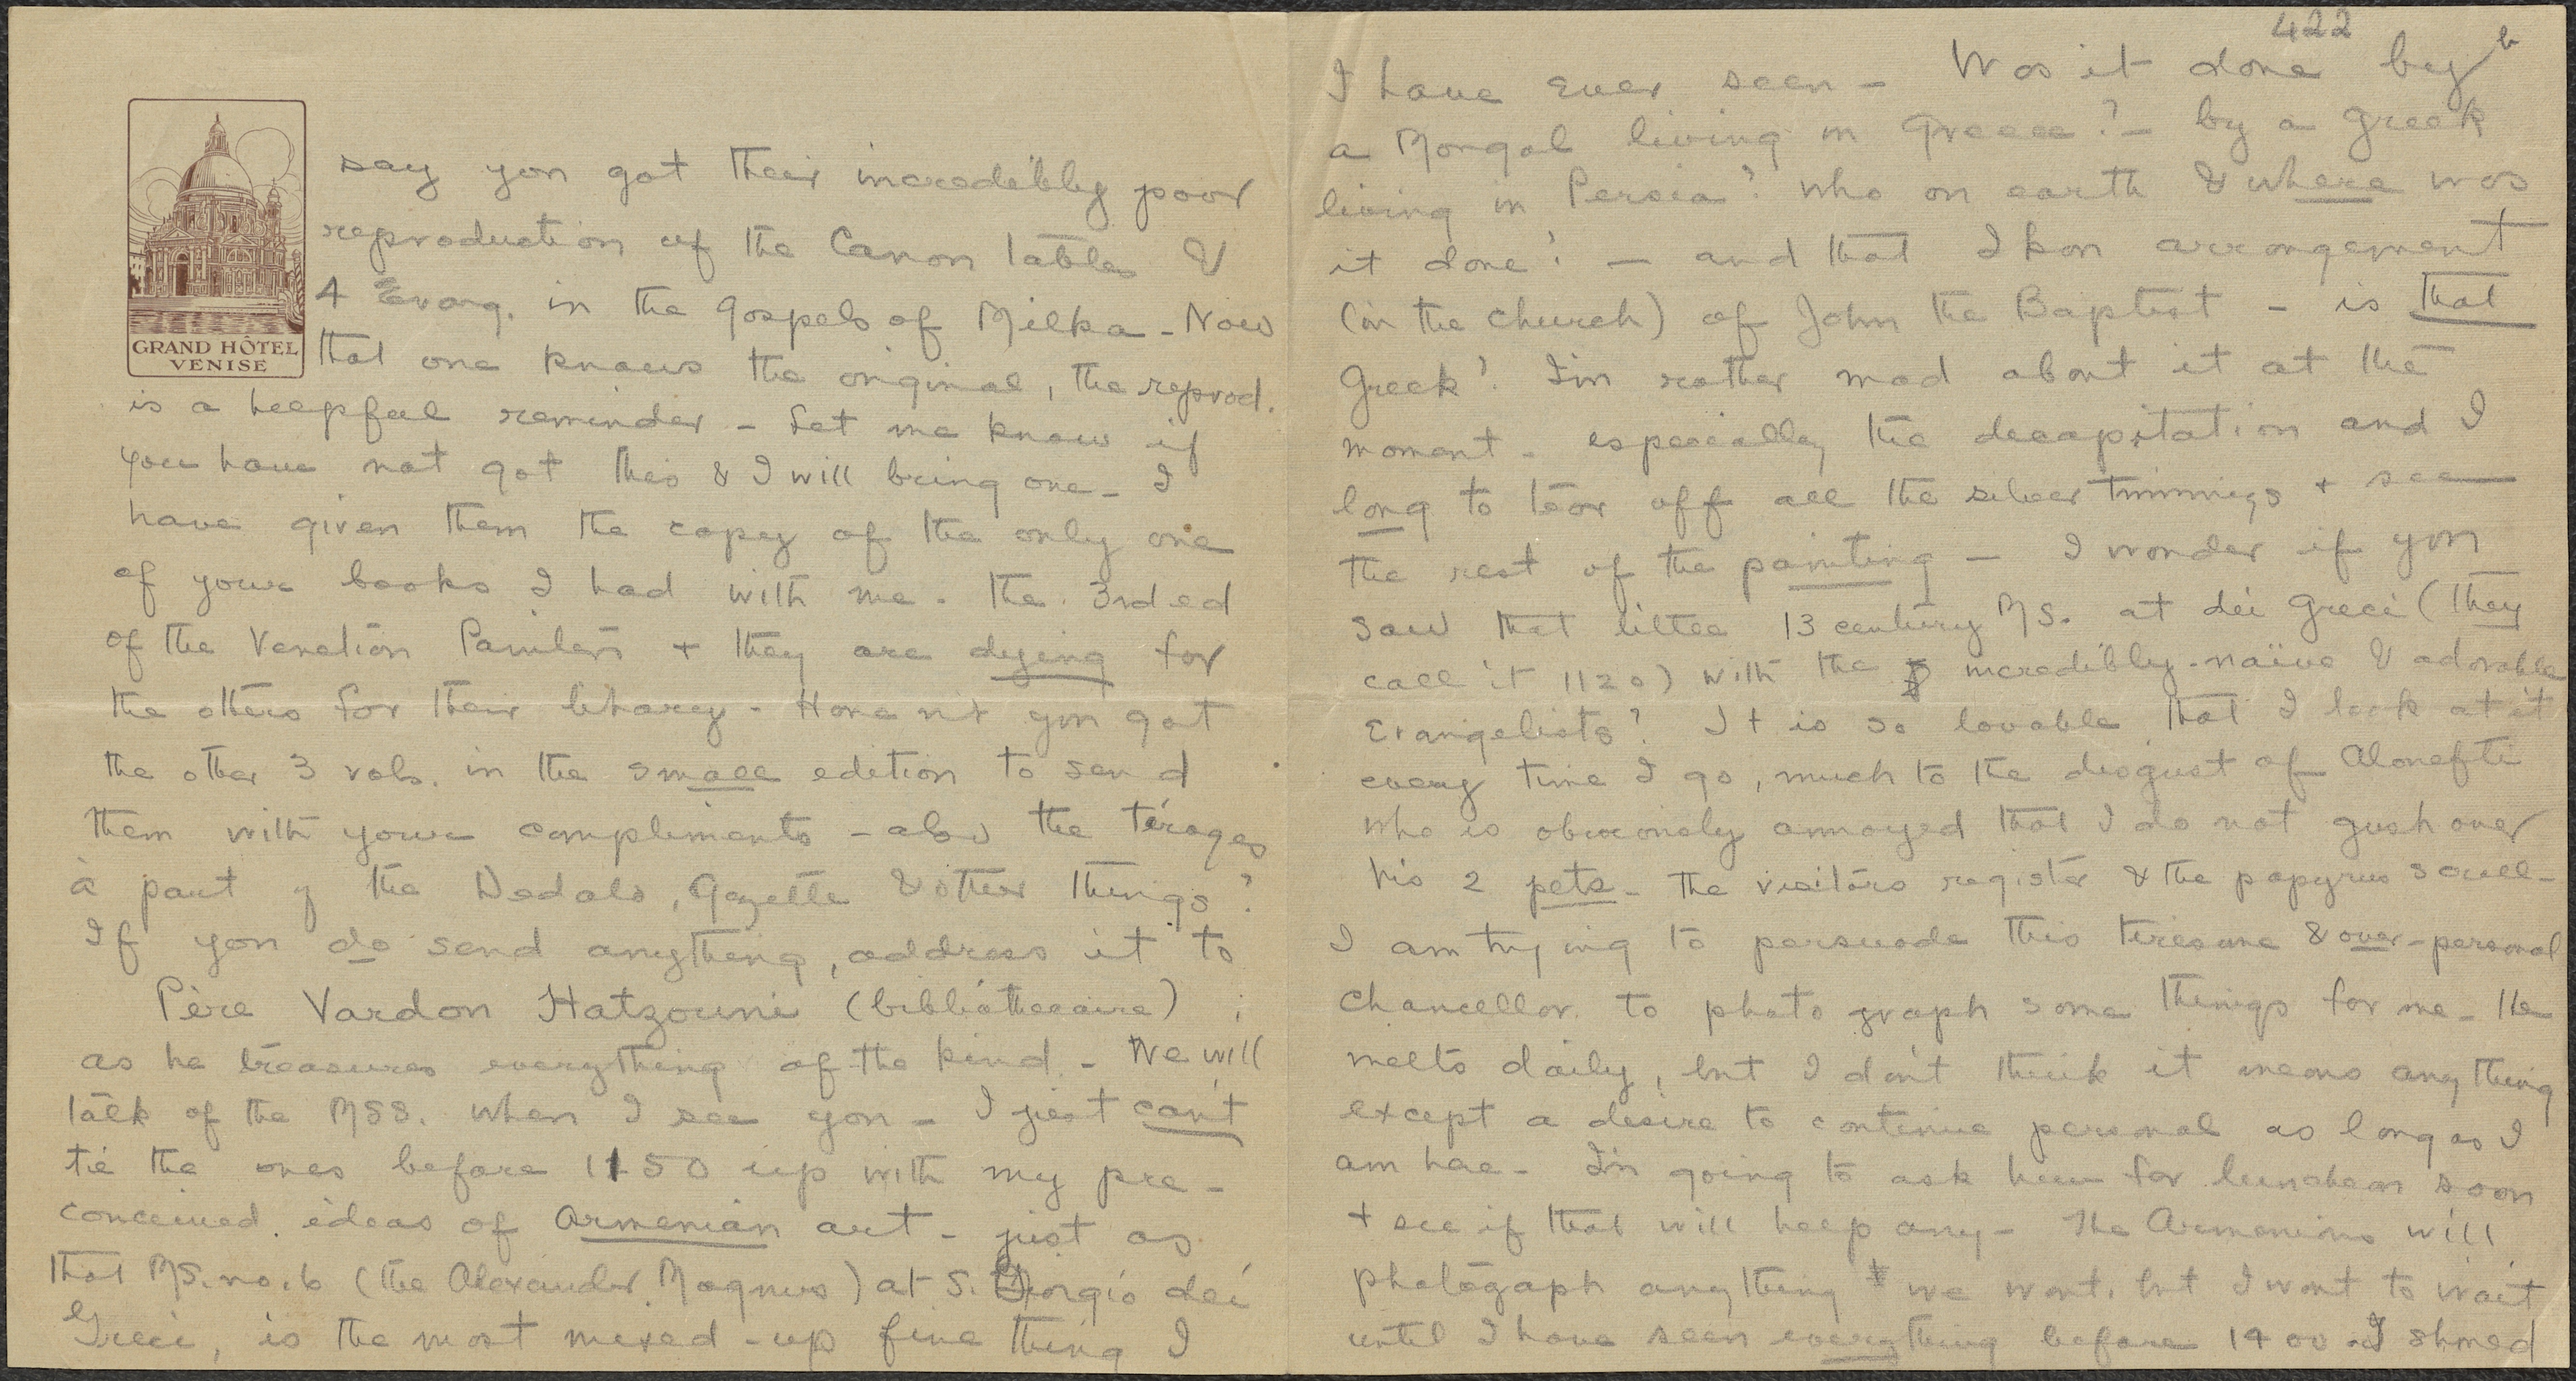say you got their incredibly poor reproduction of the Canon tables & 4 Evang. In the gospels of Milka – Now that one knows the original, the reprod. is a helpful reminder – Let me know if you have not got this & I will bring one – I have given them the copy of the only one of your books I had with me – The 3rd ed of the Venetian Painters & they are dying for the others for their library – Haven't you got the other 3 vols. in the small edition to send them with your compliments – also the tirages a part of the Dedalo, Gazette & other things? If you do send anything, address it to Père Vardon Hatzouni (bibliothecaire) as he treasures everything of the kind – We will talk of the MSS. when I see you— I just can’t tie the ones before 12150 up with my preconceived ideas of Armenian art— just as that MS. no. 6 (the Alexander Magnus) at S. Giorgio dei Greci, is the most mixed-up fine thing I
I have ever seen – was it done by a Mongol living in Greece? – by a Greek living in Persia? Who on earth & where was it done? — and that Ikon arrangement (in the church) of John the Baptist – is that Greek? I’m rather mad about it at the moment – especially the decapitation and I long to tear off all the silver trimmings & see the rest of the painting – I wonder if you saw that little 13 century MS. at dei Greci (they call it 1120) with the incredibly naïve & adorable Evangelists? It is so lovable that I look at it every time I go, much to the disgust of Alonefti who is obviously annoyed that I do not gush over his 2 pets – The visitors register & the papyrus scroll – I am trying to persuade this tiresome & over-personal chancellor to photograph some things for me – He melts daily, but I don’t think it means anything except a desire to continue personal as long as I am here – I’m going to ask him for luncheon soon & see if that will help any – The Armenians will photograph anything we want, but I want to wait until I have seen everything before 1400. I should